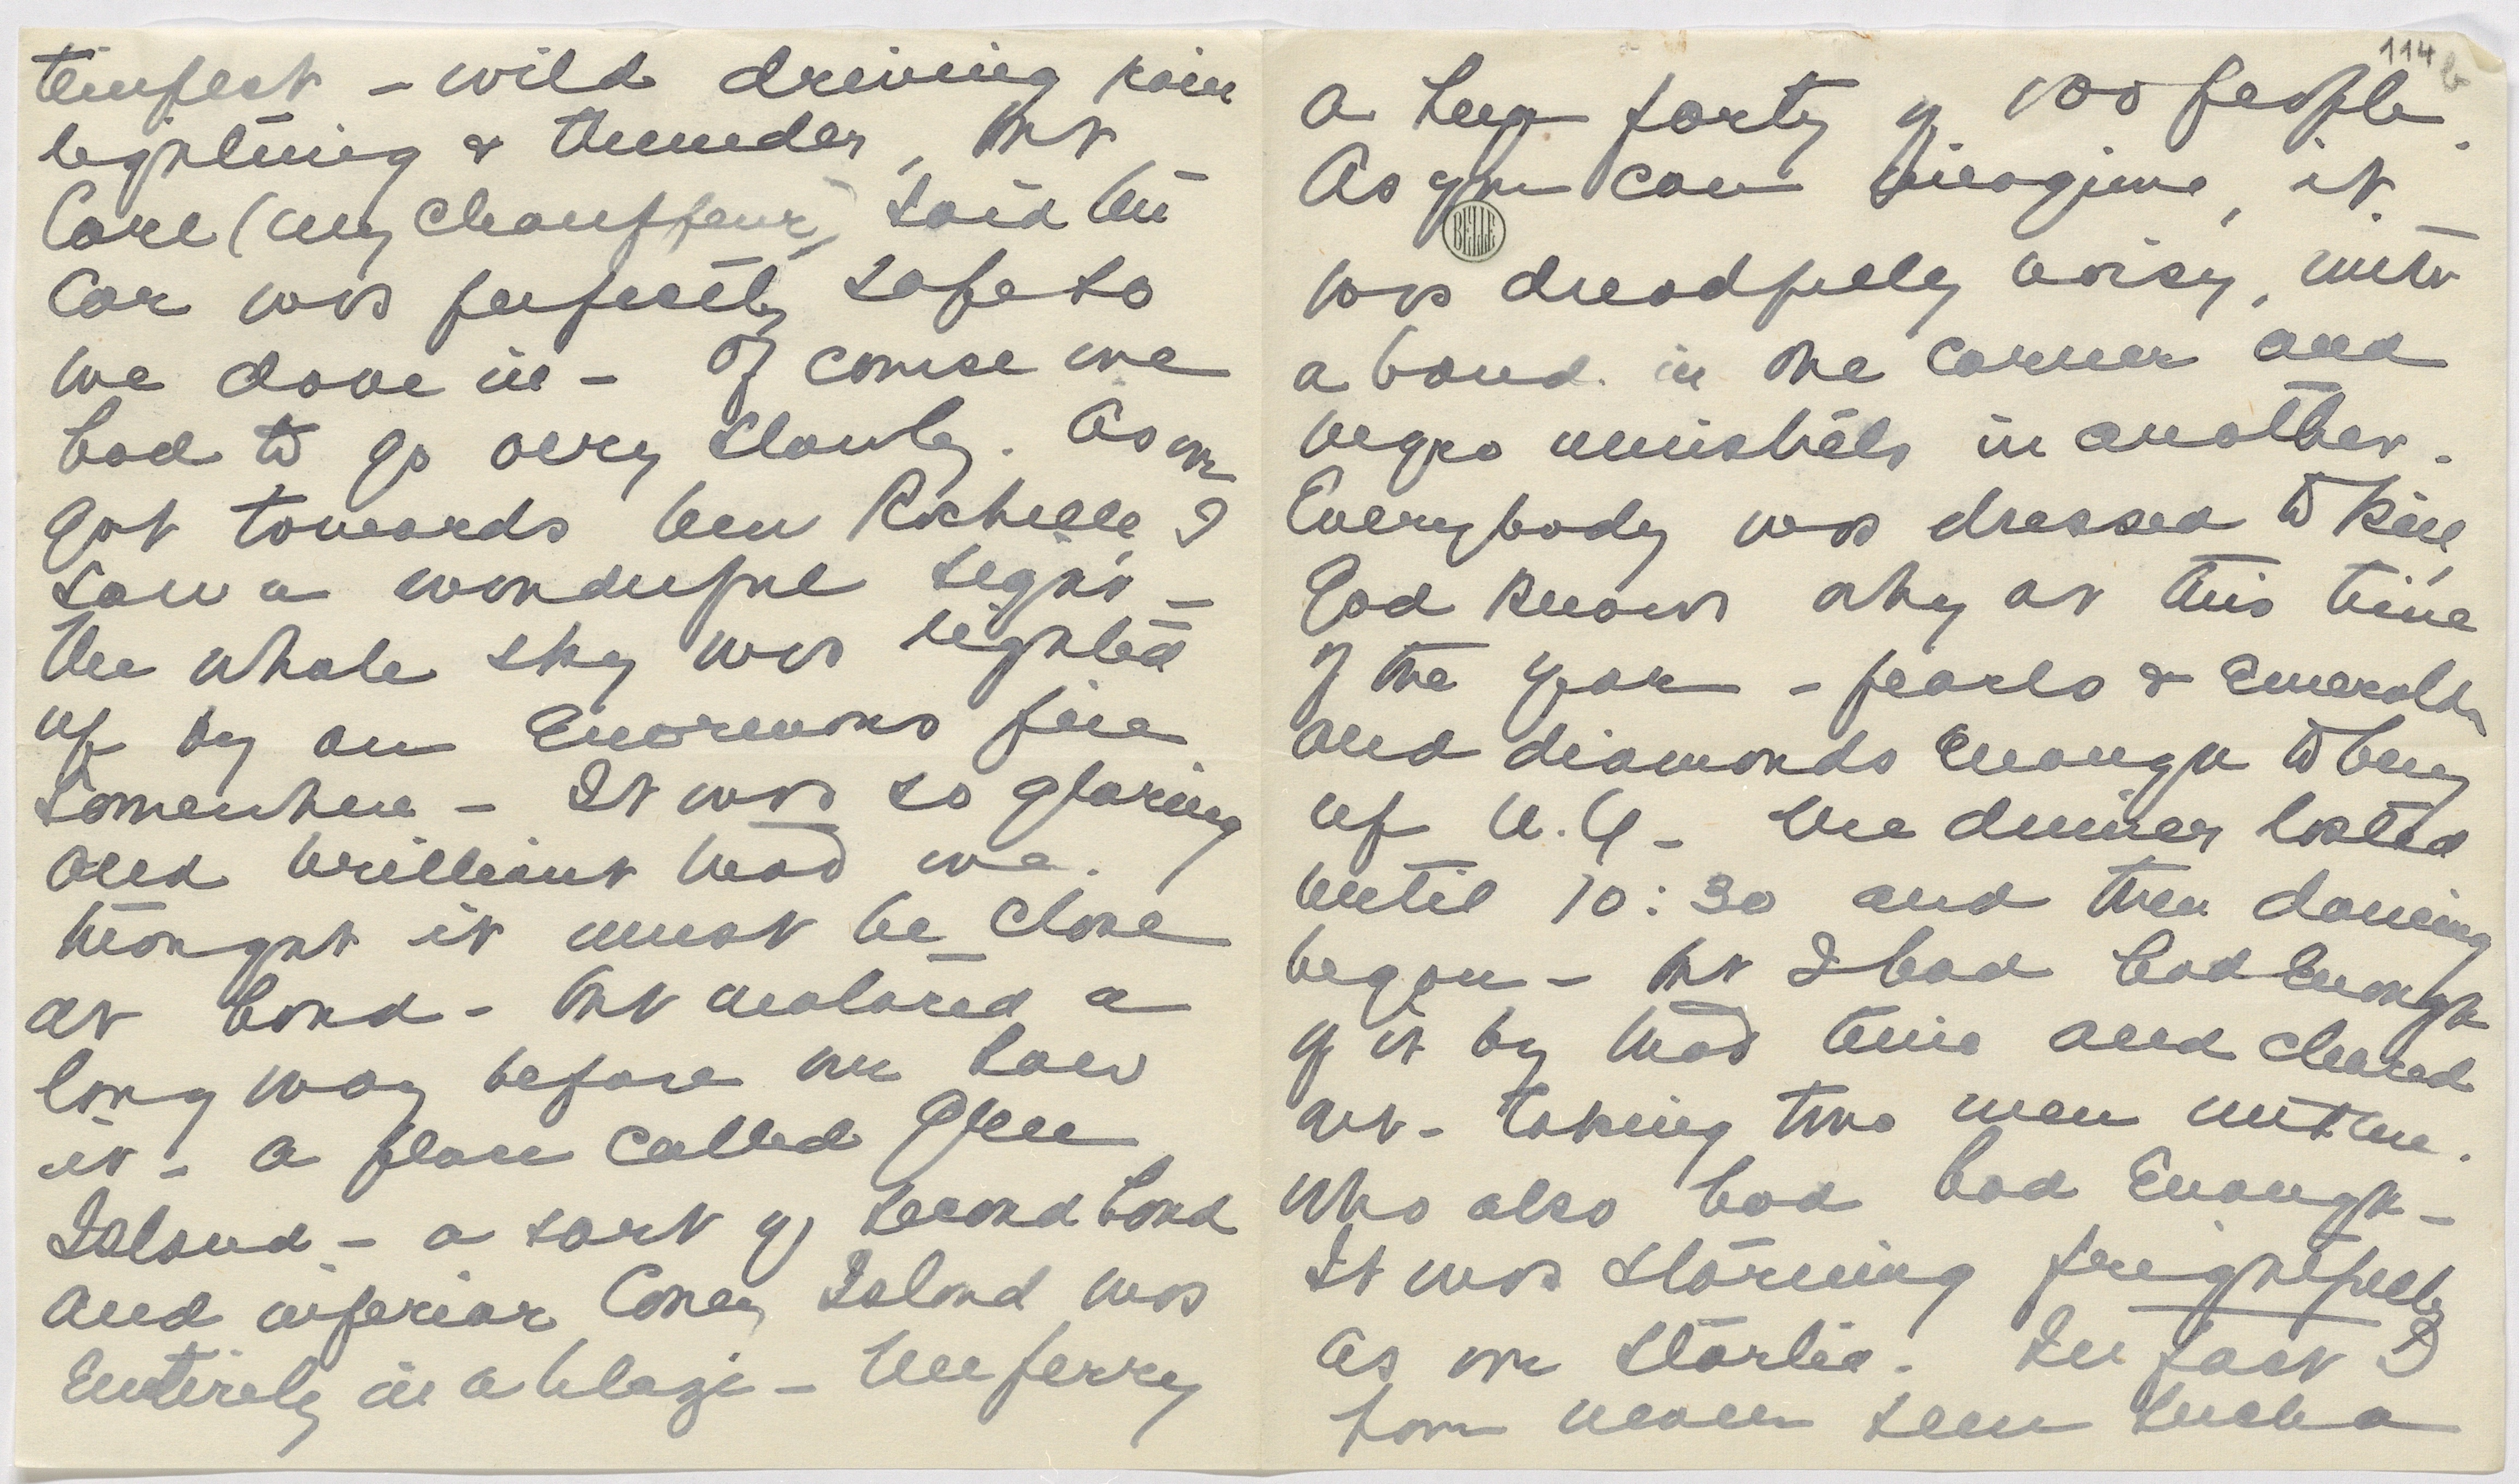a huge party of 100 people. As you can imagine, it was dreadfully noisy, with a band in one corner and negro minstrels in another. Everybody was dressed to kill, God knows why at this time of the year – pearls & emeralds and diamonds enough to buy up N. Y – The dinner lasted until 10:30 and then dancing began – but I had had enough of it by that time and cleared out – taking two men with me. Who also had had enough – It was storming frightfully as we started. In fact I have never seen such a
tempest – wild driving rain lightning & thunder, but Carl (my chauffeur) said the car was perfectly safe so we dove in – of course we had to go very slowly. As we got towards New Rochelle, I saw a wonderful sight – The whole sky was lighted up by an enormous fire somewhere – It was so glaring and brilliant that we thought it must be close at hand – but motored a long way before we saw it – a place called Gree Island [sic]– a sort of second hand and inferior Coney Island was entirely in a blaze – the ferry